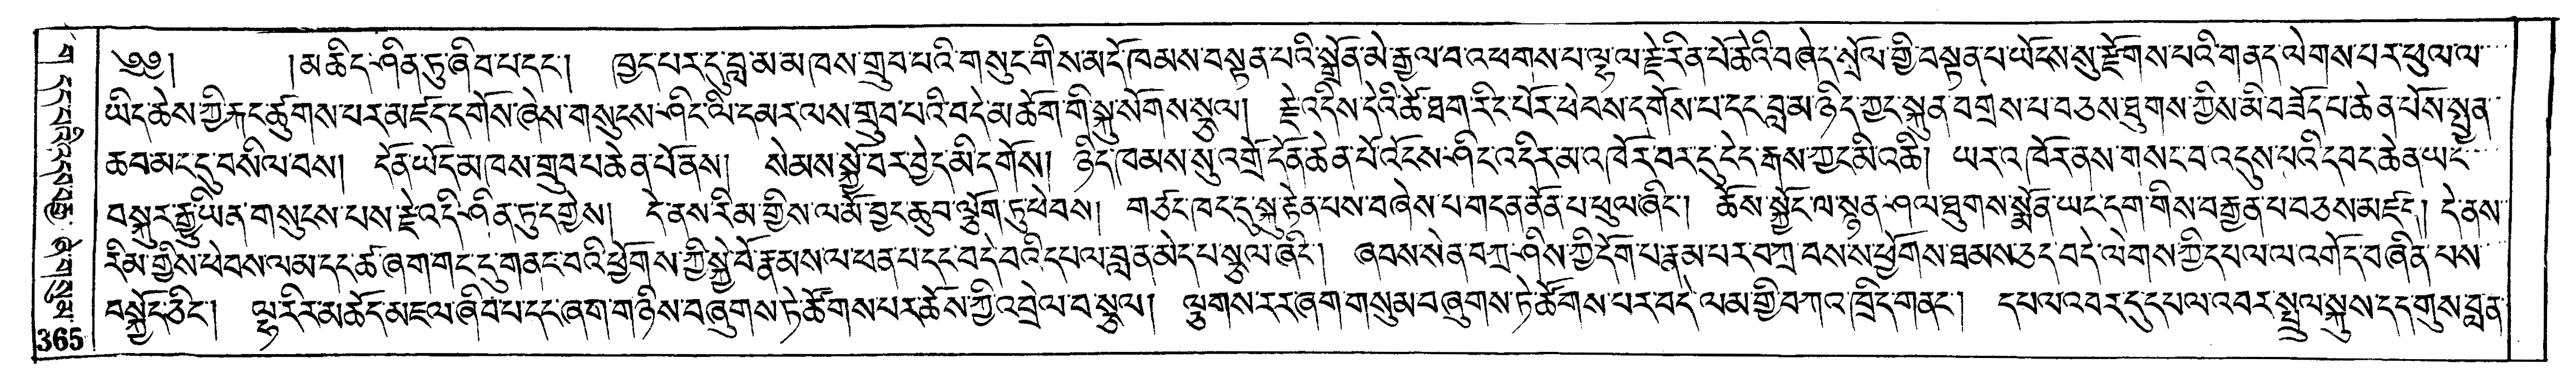༄༅། །མཆིད་ཤིན་ཏུ་ཞིབ་པ་དང་། ཁྱད་པར་དུ་བླ་མ་མཁས་གྲུབ་པའི་གསུང་གིས་མདོ་ཁམས་བསྟན་པའི་སྒྲོན་མེ་རྒྱལ་བ་འཕགས་པ་ལྷ་ལ་རྗེ་རིན་པོ་ཆེའི་བཞེད་སྲོལ་གྱི་བསྟན་པ་ཡོངས་སུ་རྫོགས་པའི་གནད་ལེགས་པར་ཕུལ་ལ་
ཡིད་ཆེས་ཀྱི་རྐང་ཚུགས་པར་མཛད་དགོས་ཞེས་གསུངས་ཤིང་ལི་དམར་ལས་གྲུབ་པའི་བདེ་མཆོག་གི་སྐུ་སོགས་སྩལ། རྗེ་འདིས་དེའི་ཚེ་ཐག་རིང་པོར་ཕེབས་དགོས་པ་དང་བླ་མ་ཉིད་ཀྱང་སྐུ་ན་བགྲེས་པ་བཅས་ཐུགས་ཀྱིས་མི་བཟོད་པ་ཆེན་པོས་སྤྱན་
ཆབ་མང་དུ་བསིལ་བས། དོན་ཡོད་མཁས་གྲུབ་བ་ཆེན་པོ་ནས། སེམས་སྐྱོ་བར་བྱེད་མི་དགོས། ཉིད་ཁམས་སུ་འགྲོ་དོན་ཆེན་པོ་འོངས་ཤིང་འདིར་མ་འཁོར་བར་དུ་ངེད་རྒས་ཀྱང་མི་འཆི། ཡར་འཁོར་ནས་གསང་བ་འདུས་པའི་དབང་ཆེན་ཡང་
བསྐུར་རྒྱུ་ཡིན་གསུངས་པས་རྗེ་འདི་ཤིན་ཏུ་དགྱེས། དེ་ནས་རིམ་གྱིས་ལ་མོ་བྱང་ཆུབ་ལྕོག་ཏུ་ཕེབས། གཙང་ཁང་དུ་སྐུ་རྟེན་པས་བཞེས་པ་གདན་ནོན་པ་ཕུལ་ཞིང་། ཆོས་སྐྱོང་ལ་སྙན་ཤལ་ཐུགས་སྨོན་ཡང་དག་གིས་བརྒྱན་པ་བཅས་མཛད། དེ་ནས་
རིམ་གྱིས་ཕེབས་ལམ་དང་ཚ་ཞག་གང་དུ་གནང་བའི་ཕྱོགས་ཀྱི་སྐྱེ་བོ་རྣམས་ལ་ཕན་པ་དང་བདེ་བའི་དཔལ་བླ་ན་མེད་པ་སྩལ་ཞིང་། ཞབས་སེན་བཀྲ་ཤིས་ཀྱི་དོག་པ་རྣམ་པར་བཀྲ་བས་ས་ཕྱོགས་ཐམས་ཅད་བདེ་ལེགས་ཀྱི་དཔལ་ལ་འགོད་བཞིན་པས་
བསྐྱོད་ཅིང་། ལྷ་རིར་མཆོད་མཇལ་ཞིབ་པ་དང་ཞག་གཉིས་བཞུགས་ཏེ་ཚོགས་པར་ཆོས་ཀྱི་འབྲེལ་པ་སྩལ། ལྕགས་རར་ཞག་གསུམ་བཞུགས་ཏེ་ཚོགས་པར་བདེ་ལམ་གྱི་བཀའ་ཁྲིད་གནང་། དཔལ་འབར་དུ་དཔལ་འབར་སྤྲུལ་སྐུས་དད་གུས་བླ་ན་